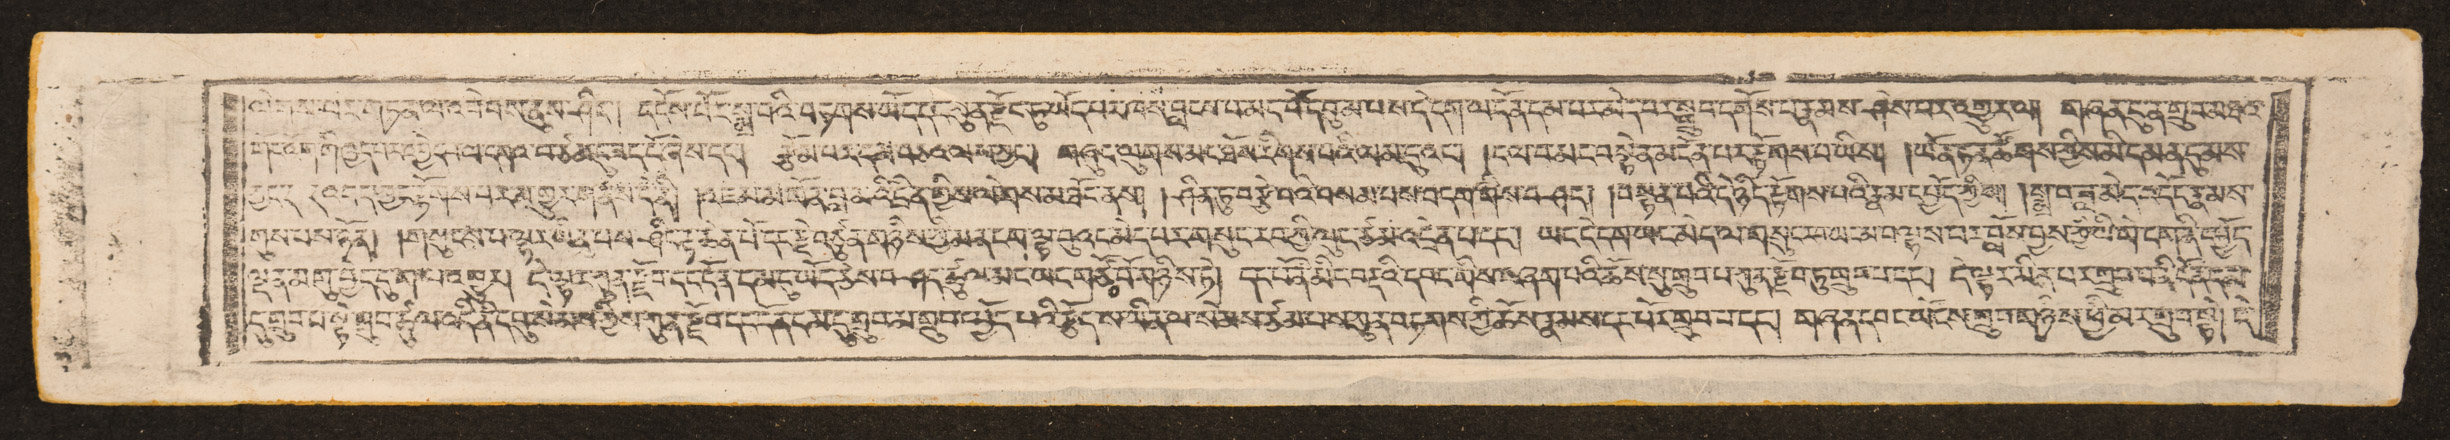ལེགས་པར་གཏན་ལ་འབེབས་ནུས་ཤིང་། དངོས་པོར་སྨྲ་བའི་བཏགས་ཡོད་དང་ཀུན་རྫོབ་ཏུ་ཡོད་པར་ཁས་བླངས་པ་མང་པོ་དབུ་མ་པས་དེ་དག་ལ་དོན་དམ་པར་མེད་པར་སྒྲུབ་དགོས་པ་རྣམས་ཤེས་པར་འགྱུར་ལ། གཞན་དུ་ན་གྲུབ་མཐའ་
གོང་འོག་གི་ཁྱད་པར་འབྱེད་པ་ལ་དགའ་བ་ཙམ་དུ་ཟད་དོ་ཞེས་དང་། རྩོམ་པར་དམ་བཅའ་ལས་ཀྱང་། གཞུང་ལུགས་མང་ཐོས་རིགས་པའི་ལམ་དུའང་། །ངལ་བ་མང་བསྟེན་མངོན་པར་རྟོགས་པ་ཡིས། །ཡོན་ཏན་ཚོགས་ཀྱིས་མི་དམན་དུ་མས་
ཀྱང༑ ༑འབད་ཀྱང་རྟོགས་པར་མ་གྱུར་གནས་དེ་ནི། །འཇམ་མགོན་བླ་མའི་དྲིན་གྱིས་ལེགས་མཐོང་ནས། །ཤིན་ཏུ་བརྩེ་བའི་བསམ་པས་བདག་གིས་བཤད། །བསྟན་པའི་དེ་ཉིད་རྟོགས་པའི་རྣམ་དཔྱོད་ཀྱིས། །སྨྲ་བ་ཟླ་མེད་འདོད་རྣམས་
གུས་པས་ཉོན། །གསུངས་པ་ལྟར་ཡིན་པས་ཤིང་རྟ་ཆེན་པོ་དང་རྗེ་བཙུན་གཉིས་ཀྱི་མན་ངག་ལྟ་བུའང་མེད་པར་གསུང་རབ་ཀྱི་ལུང་ཙམ་འདྲེན་པ་དང་། ཡང་དེ་དག་ཡང་མེད་ལ་གསུང་རབ་ཡང་མ་བལྟས་པར་བློས་བྱས་ཀྱི་ཡི་གེ་ངག་ནི་དཔྱོད་
ལྡན་མགུ་བྱེད་དུ་གལ་འགྱུར། དེ་ལྟར་ཀུན་རྫོབ་དང་དོན་དམ་དུ་ཡོད་ཅེས་བཤད་ཚུལ་མང་ཡང་གཙོ་བོ་གཉིས་ཏེ། དང་པོ་ནི་མིང་བརྡའི་དབང་གིས་བཞག་པའི་ཆོས་སུ་གྲུབ་པ་ཀུན་རྫོབ་ཏུ་གྲུབ་པ་དང་། དེ་ལྟར་མིན་པར་གྲུབ་པ་ནི་དོན་དམ་
དུ་གྲུབ་པ་སྟེ་གྲུབ་ཚུལ་འདི་ནི་དབུ་སེམས་ཀྱིས་ཀུན་རྫོབ་དང་དོན་དམ་དུ་གྲུབ་མ་གྲུབ་དཔྱོད་པའི་རྩོད་ས་ཡིན་ལ་སེམས་ཙམ་པས་ཀུན་བཏགས་ཀྱི་ཆོས་རྣམས་དང་པོར་གྲུབ་པ་དང་། གཞན་དབང་ཡོངས་གྲུབ་གཉིས་ཕྱི་མར་གྲུབ་སྟེ། དེ་